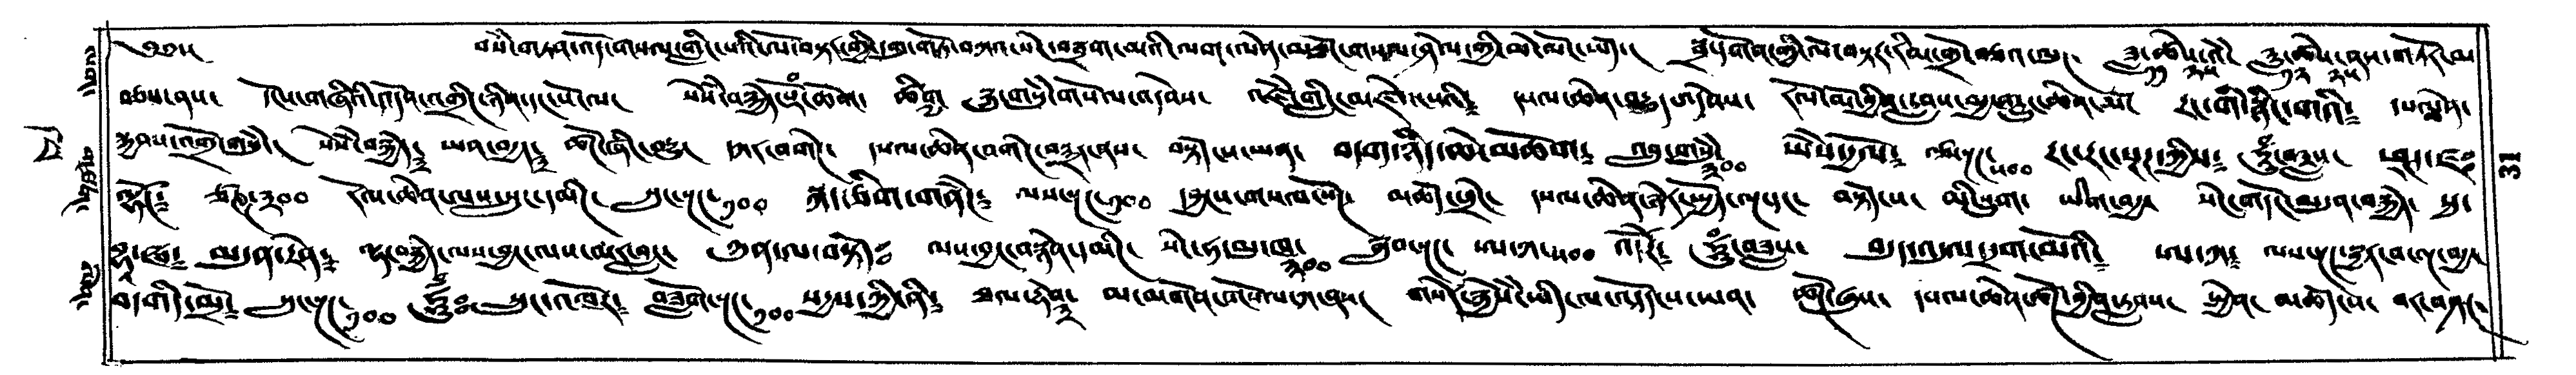༈ བསམ་གཏན་འོད་གསལ་གླིང་པའི་ཨོ་བསྟར་གྱི་དགུ་གཏོ་བཀའ་སེང་བསྒྲག་མའི་ལག་ལེན་མཐོག་གསལ་ཤེལ་གྱི་མེ་ལོང་བཞུགས། སྦྲ་དགོན་གྱི་ལོ་བསྟར་རིམ་གྲོ་བཅའ་ལུགས། ཟླ་༡༡གི་ཚེས་༢༥འམ། ཟླ་༡༢པའི་ཚེས༢༥ནས་གཏོར་མ་
བཅས་ནས། དངོས་གཞིའི་འདོན་འགྲིགས་ཉིན་དང་པོ་ལ། སེམས་བསྐྱེད་སྡོམ་ཆོག ཚིག་བདུན། སྐུ་གསུམ་གསོལ་འདེབས། འཛམ་གླིང་མཛེས་པའི༴ དཔལ་ཆེན་བརྒྱུད་འདེབས། རོལ་མོ་བྱིན་རླབས་བརྒྱ་བརྡུང་ཆེན་མོ། རང་གི་སྙིང་གའི༴ དཔལ་ཆེན་
སྐྱབས་འགྲོ་ལན་གསུམ། སེམས་བསྐྱེད་གསུམ། ཡན་བརྒྱད་གསུམ། ཚོགས་ཞིང་བསྡུ། དཀར་བགེགས། དཔལ་ཆེན་བགེགས་བསྐྲད་ནས་བསྟོད་པ་ཡན། བདག་ཉིད་ཆེ་མཆོག༴ འབྲུ་གསུམ་གསུམ་བརྒྱ། ཡེ་ཤེས་རྒྱལ་པོ༴ རྩ་སྔགས་ལྔ་བརྒྱ། རག་རང་སྔགས་ཀྱིས༴ ཧཱུྃ་བཟླས ཕཊ་ཛཿ
ལྷ་ཚོགས༴ ཙནྜ་གསུམ་བརྒྱ། རིལ་ཆེན་ལས་སྲུང་དམིགས། སྲུང་སྔགས་བརྒྱ། སྐད་ཅིག་གནམ་ལྕགས༴ ལན་སྔགས་བརྒྱ། དབྱངས་གསལ་སོགས། མཆེད་ཕྲེང་། དཔལ་ཆེན་ཉེར་སྤྱོད་དང་། བསྟོད་པ་མི་སྡུག༴ ཡིག་བརྒྱ། སེང་འདོང་མདུན་བསྐྱེད། སྭ་
བྷཱ་ཝ༴ བདུན་རྟེན༴ ལྷ་བསྐྱེད་ལས་བྱང་ལས་མར་བླང་། ཀུན་ལ་བསྟོདཿ ལས་བྱང་བསྙེནདམིགས།སེང་ཧ་མུ་ཁ་གསུམ་བརྒྱ། སྒྲུབ་སྔགས་ཨ་ཀ་ལྔ་བརྒྱ། འོད་ཟེར༴ ཧཱུྃ་བཟླས། བདུད་འདུལ་དྲག་མོའི༴ ཨ་ཀ༴ ལས་སྔགས་སྦྱར་བ་ལྔ་བརྒྱ་། 
བདག་ཉིད་མཁའ་འགྲོ༴ སྲུག་སྔགས་བརྒྱ། ཧཱུྃ༔ སྲུང་འཁོར༴ བཟློག་སྔགས་བརྒྱ། སངས་རྒྱས་ཀྱི་ནི༴ ཐལ་རྡེབ་གསུམ། མ་མགོན་གསོལ་ཀ་ནས། གསེར་སྐྱེམས་ཡིད་ལ་འདོད་པ་ཡན། ཚོགས་ཞུས། དཔལ་ཆེན་ཚོགས་བྱིན་རླབས། སྤྱན་འདྲེན། མཆོད་པ། བཤགས་པའི་བར།